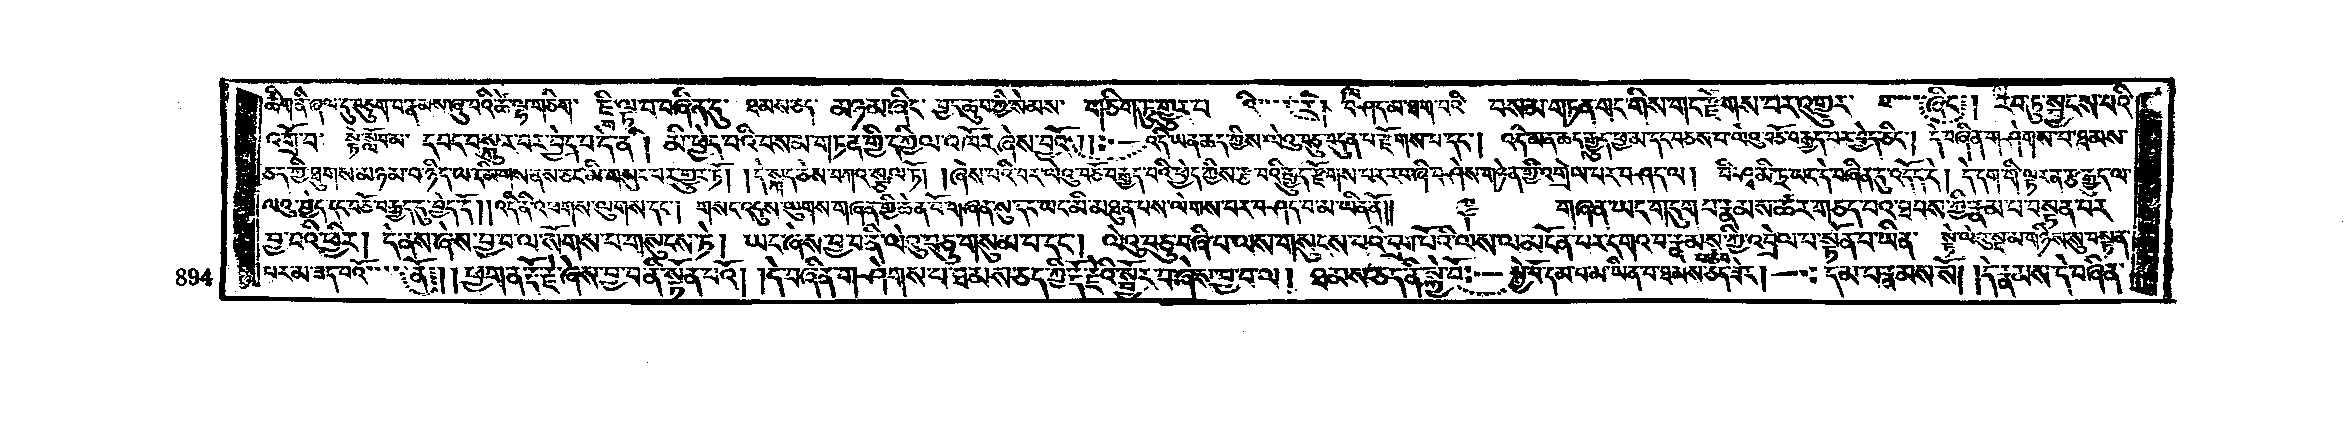ཚིག་ནི་ཞལ་དུ་བཅུག་པ་རྣམས་ཞུ་བའི་ཚེ་ལྷ་གཅིག་ཇི་ལྟ་བ་བཞིན་དུ་ཐམས་ཅད་མཉམ་ཞིང་བྱང་ཆུབ་ཀྱི་སེམས་གཅིག་ཏུ་གྱུར་པའི་ར། ཁ་བཤད་མ་ཐག་པའི་བསམ་གཏན་གང་གིས་གང་རྫོགས་པར་འགྱུར་བ་ཞིང་། ཀ་རབ་ཏུ་སྦྱངས་པའི་
འགྲོ་བ་སྟེ་སློབ་མ་དབང་བསྐུར་བར་བྱེད་པ་དེ་ནི། མི་ཕྱེད་པའི་བསམ་གཏན་གྱི་དཀྱིལ་འཁོར་ཞེས་བྱའོ།། H འདི་ཡན་ཆད་ཀྱིས་ལེའུ་བཅུ་བདུན་པ་རྫོགས་པ་དང་། འདི་མན་ཆད་རྒྱུད་ཕྱི་མ་དང་བཅས་པ་ལེའུ་བཅོ་བརྒྱད་པར་བྱེད་ཅིང་། དེ་བཞིན་གཤེགས་པ་ཐམས་
ཅད་ཀྱི་ཐུགས་མཉམ་པ་ཉིད་ལ་དམིགས་ནས་ཅང་མི་གསུང་པར་གྱུར་ཏོ། །དེ་སྐད་ཅེས་བཀའ་སྩལ་ཏོ། །ཞེས་པའི་བར་ལེའུ་བཅོ་བརྒྱད་པའི་ཕྱེད་ཀྱིས་རྩ་བའི་རྒྱུད་རྫོགས་པར་རབ་ཞི་བཤེས་གཉེན་གྱི་འགྲེལ་པར་བཤད་ལ། བི་ཤྭ་མི་ཏྲ་ཡང་དེ་བཞིན་དུ་འདོད་དེ། དེ་དག་གི་ལྟར་ན་རྩ་རྒྱུད་ལ་
ལེའུ་ཕྱེད་དང་བཅོ་བརྒྱད་དུ་བྱེད་དོ། །འདི་ནི་འཕགས་ལུགས་དང་། གསང་འདུས་ལུགས་གཞན་གྱི་ཆེན་པོ་གཞན་སུ་དང་ཡང་མི་མཐུན་པས་ལེགས་པར་བཤད་པ་མ་ཡིན་ནོ།། ༈ གཞན་ཡང་གདུག་པ་རྣམས་ཚར་གཅད་པའི་ཐབས་ཀྱི་རྣམ་པ་བསྟན་པར་
བྱ་བའི་ཕྱིར། དེ་ནས་ཞེས་བྱ་བ་ལ་སོགས་པ་གསུངས་ཏེ། ཡང་ཞེས་བྱ་བ་ནི་ལེའུ་བཅུ་གསུམ་པ་དང་། ལེའུ་བཅུ་བཞི་པ་ལས་གསུངས་པའི་དྲག་པོའི་ལས་ལ་མངོན་པར་དགའ་བ་རྣམས་ཀྱི་འབྲེལ་པ་སྟོན་པ་ཡིན་སྟེ་ལེའུ་སྔ་མ་གཉིས་སུ་བསྟན་
པར་མ་ཟད་པའོ་ནོ། །ཕྱག་ན་རྡོ་རྗེ་ཞེས་བྱ་བ་ནི་སྟོན་པའོ། །དེ་བཞིན་གཤེགས་པ་ཐམས་ཅད་ཀྱི་རྡོ་རྗེའི་སྦྱོར་བ་ཞེས་བྱ་བ་ལ། ཐམས་ཅད་ནི་སྐྱེ་བོ་H སྐྱེ་བོ་དམ་པ་མ་ཡིན་པ་ཐམས་ཅད་པ་ཚབ་ཟེར།  H དམ་པ་རྣམས་སོ། །དེ་རྣམས་དེ་བཞིན་